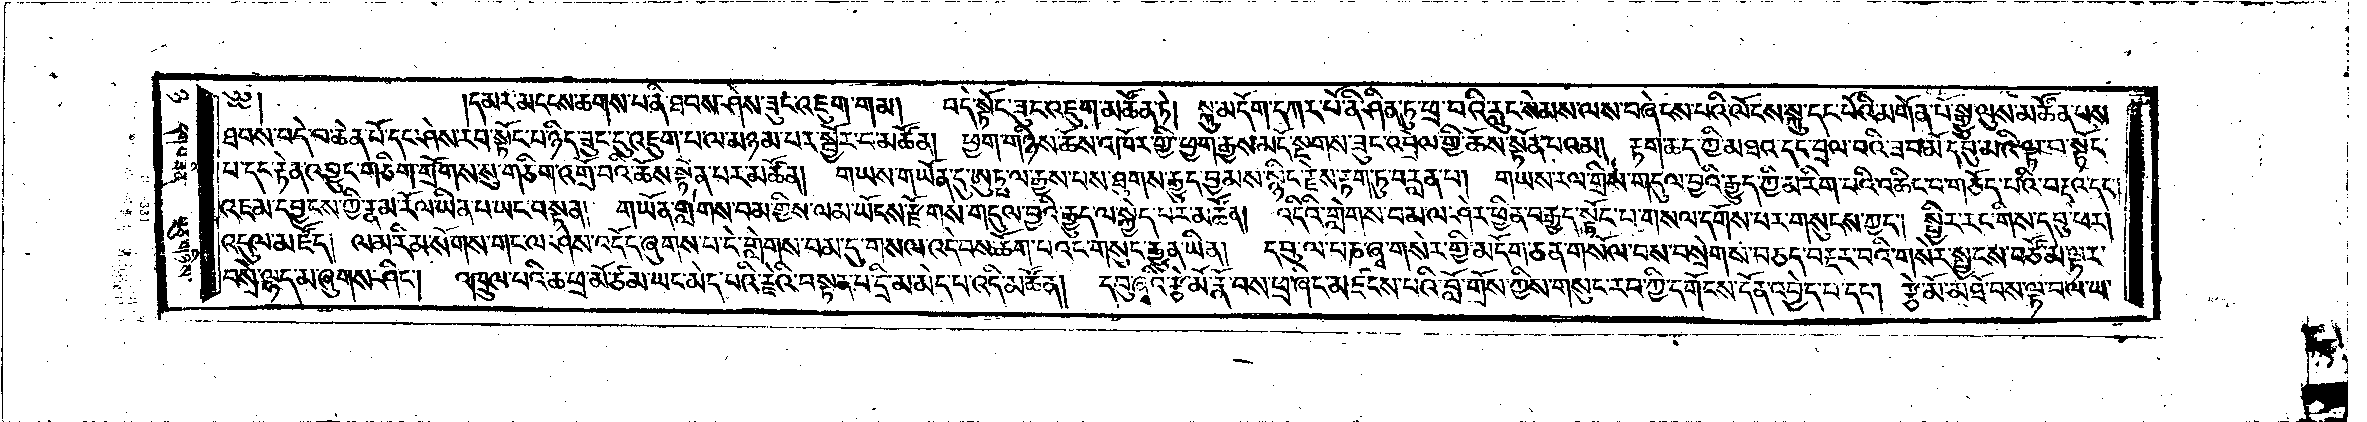༄༅། །དམར་མདངས་ཆགས་པ་ནི་ཐབས་ཤེས་ཟུང་འཇུག་གམ། བདེ་སྟོང་ཟུང་འཇུག་མཚོན་ཏེ། སྐུ་མདོག་དཀར་པོ་ནི་ཤིན་ཏུ་ཕྲ་བའི་རླུང་སེམས་ལས་བཞེངས་པའི་ལོངས་སྐུ་དང་པོའི་མགོན་པོ་སྒྱུ་ལུས་མཚོན་པས་
ཐབས་བདེ་བ་ཆེན་པོ་དང་ཤེས་རབ་སྟོང་པ་ཉིད་ཟུང་དུ་འཇུག་པ་ལ་མཉམ་པར་སྦྱོར་བ་མཚོན། ཕྱག་གཉིས་ཆོས་འཁོར་གྱི་ཕྱག་རྒྱས་མདོ་སྔགས་ཟུང་འབྲེལ་གྱི་ཆོས་སྟོན་པའམ། རྟག་ཆད་ཀྱི་མཐའ་དང་བྲལ་བའི་ཟབ་མོ་དབུ་མའི་ལྟ་བ་སྟོང་
པ་དང་རྟེན་འབྱུང་གཅིག་གྲོགས་སུ་གཅིག་འགྲོ་བའི་ཆོས་སྟོན་པར་མཚོན། གཡས་གཡོན་དུ་ཨུཏྤལ་རྒྱས་པས་ཐུགས་རྒྱུད་བྱམས་སྙིང་རྗེས་རྟག་ཏུ་བརླན་པ། གཡས་རལ་གྲིས་གདུལ་བྱའི་རྒྱུད་ཀྱི་མ་རིག་པའི་འཆིང་བ་གཅོད་པའི་བརྡའ་དང་།
འཇམ་དབྱངས་ཀྱི་རྣམ་རོལ་ཡིན་པ་ཡང་བསྟན། གཡོན་གླེགས་བམ་གྱིས་ལམ་ཡོངས་རྫོགས་གདུལ་བྱའི་རྒྱུད་ལ་སྐྱེད་པར་མཚོན། འདིའི་གླེགས་བམ་ལ་ཤེར་ཕྱིན་བརྒྱད་སྟོང་པ་གསལ་དགོས་པར་གསུངས་ཀྱང་། སྤྱིར་རང་གིས་དབུ་ཕར།
འདུལ་མཛོད། ལམ་རིམ་སོགས་གང་ལ་ཤེས་འདོད་ཞུགས་པ་དེ་གླེགས་བམ་དུ་གསལ་འདེབས་ཆོག་པའང་གསུང་རྒྱུན་ཡིན། དབུ་ལ་པཎ་ཞྭ་གསེར་གྱི་མདོག་ཅན་གསོལ་བས་བསྲེགས་བཅད་བརྡར་བའི་གསེར་སྦྱངས་བཙོ་མ་ལྟར་
བསྲེ་ལྷད་མ་ཞུགས་ཤིང་། འཁྲུལ་པའི་ཆ་ཕྲ་མོ་ཙམ་ཡང་མེད་པའི་རྗེའི་བསྟན་པ་དྲི་མ་མེད་པ་འདི་མཚོན། དབུ་ཞྭའི་རྩེ་མོ་རྣོ་བས་ཕྲ་ཞིང་མཛངས་པའི་བློ་གྲོས་ཀྱིས་གསུང་རབ་ཀྱི་དགོངས་དོན་འབྱེད་པ་དང་། རྩེ་མོ་མཐོ་བས་ལྟ་བ་ལ་ཡ་